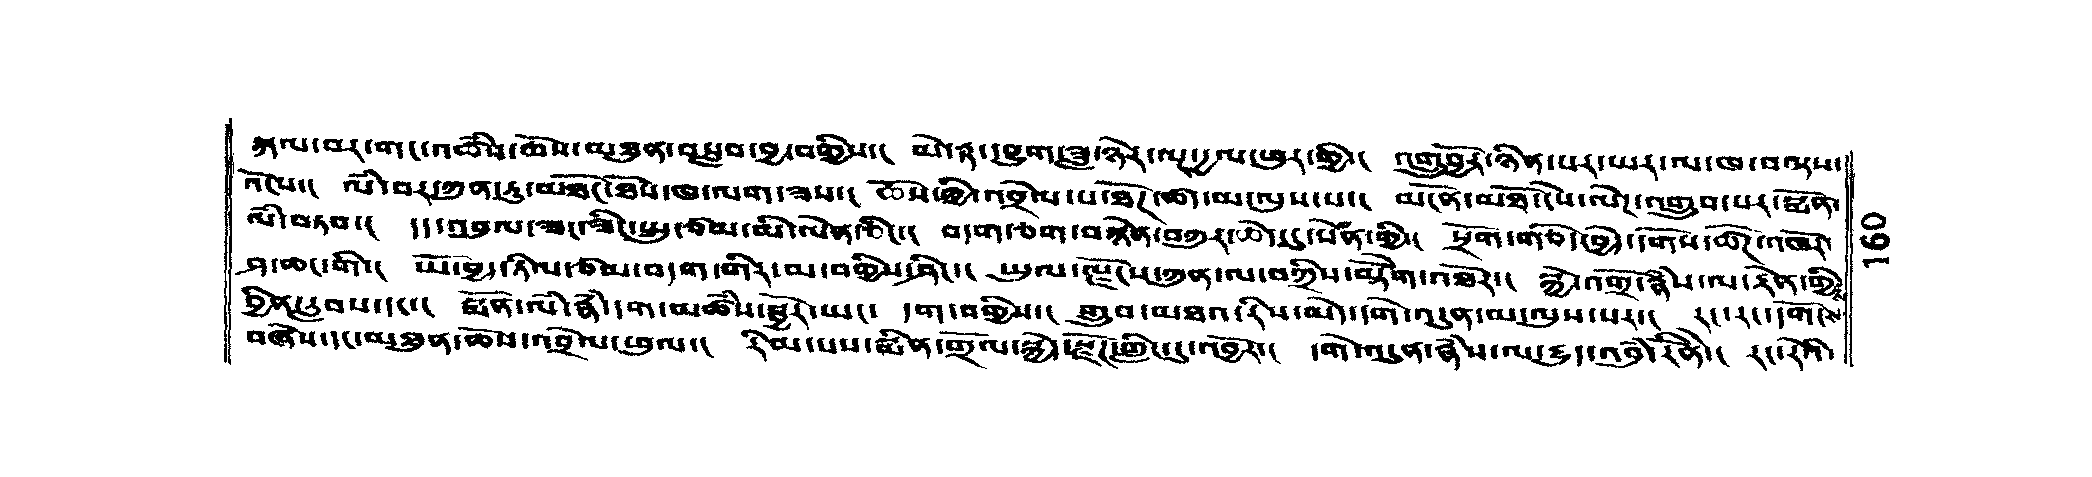།སྐལ་བར་གང་འཚམས་ཆོས་མཐུན་བསླབ་བྱ་བགྱིས། །མེ་རྟ་དབྱུག་ཟླ་ཉེར་ལྔ་རྒྱལ་ཕུར་གྱི། །འགྲུབ་སྦྱོར་ཉིན་པར་ཡར་ལ་ཁ་བལྟས་
འོངས། །ལམ་བར་ཀུན་ཏུ་མཐོང་ཐོས་ཁ་ལག་ཟས། །ཆོས་ཀྱི་འབྲེལ་པ་ཐོགས་ཚད་མ་ལུས་པ། །མངོན་མཐོ་ངེས་ལེགས་འགྲུབ་པར་སྨོན་
ལམ་བཏབ། །དད་འབུལ་ཟང་ཟྀང་སྤུ་ཙམ་མི་ལེན་ཅིང་། །བདག་ཅག་བསྙེན་བཀུར་ཆེད་དུ་སེམས་ཅན་གྱི། །སྲོག་གཅོད་བྱེད་དོགས་ཚོགས་འཁོར་
ཤ་ཆང་གི །ཡོ་བྱད་ཏིལ་ཙམ་བདག་གིར་མ་བགྱིས་ཤིང་། །ཡུལ་ལྗོངས་ཀུན་ལ་བཀྲ་ཤིས་མེ་ཏོག་འཐོར། །སྐྱེ་འགྲོ་རྣམས་ལ་རྟེན་གྱིས་
བྱིན་རླབས་དང་། །སྨོན་ལམ་རྣམ་དག་མཚམས་སྦྱར་ཡང་དག་བགྱིས། །གྲུབ་མཐའ་རིས་མེད་དགེ་འདུན་མ་ལུས་པར། །རང་རང་དགོངས་
བཞེད་དང་མཐུན་ཆོས་འབྲེལ་ཕུལ། །རིམ་པས་སྨིན་གྲོལ་སྐྱེད་རྫོགས་གླིང་དུ་འབྱོར། །དགེ་འདུན་རྣམས་ལ་རྒྱུད་འབུམ་རིན་པོ་ཆེ། །རང་རེའི་